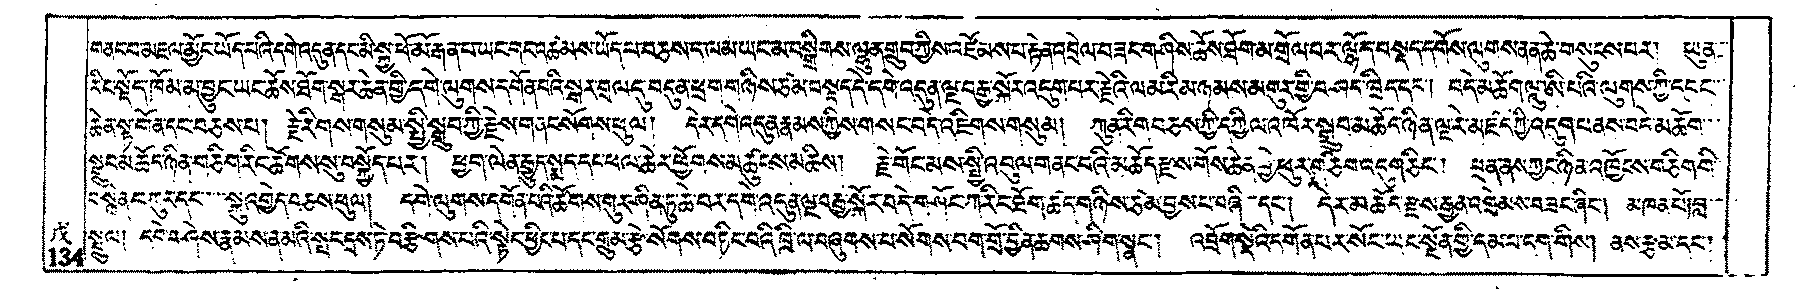གནང་བ་མཇལ་མྱོང་ཡོད་པའི་དགེ་འདུན་དང་མི་སྐྱ་ཕོ་མོ་རྒན་པ་ཡང་གང་འཚམས་ཡོད་པ་བཅས་ད་ལམ་ཡང་མ་བསྒྲིགས་ལྷུན་གྲུབ་ཀྱིས་འཛོམས་པ་རྟེན་འབྲེལ་བཟང་གཤིས་ཆོས་ཐོག་མ་གྲོལ་བར་ལྷོད་བསྡད་དགོས་ལུགས་ནན་ཆེ་གསུངས་པར། ཡུན་
རིང་སྡོད་ཁོམ་མ་བྱུང་ཡང་ཆོས་ཐོག་སྒར་ཆེན་གྱི་དགེ་ལུགས་དགོན་པའི་སྒར་གྲལ་དུ་བདུན་ཕྲག་གཉིས་ཙམ་བསྡད་དེ་དགེ་འདུན་ལྔ་བརྒྱ་སྐོར་འདུག་པར་རྗེའི་ལམ་རིམ་ཉམས་མགུར་གྱི་བཤད་ཁྲིད་དང་། བདེ་མཆོག་ལཱུ་ཨི་པའི་ལུགས་ཀྱི་དབང་
ཆེན་སྟ་གོན་དང་བཅས་པ། རྗེ་རིགས་གསུམ་སྤྱི་སྒྲུབ་ཀྱི་རྗེས་གནང་སོགས་ཕུལ། དེར་དགེ་འདུན་རྣམས་ཀྱིས་གསང་བདེ་འཇིགས་གསུམ། ཀུན་རིག་བཅས་ཀྱི་དཀྱིལ་འཁོར་སྒྲུབ་མཆོད་ཉིན་ལྔ་རེ་མཛད་ཀྱི་འདུག་པ་ནས་བདེ་མཆོག་
སྒྲུབ་མཆོད་ཉིན་གཅིག་རིང་ཚོགས་སུ་བསྐྱོད་པར། ཕྱག་ལེན་རྒྱུད་སྨད་དང་ཕལ་ཆེར་ཕྱོགས་མཚུངས་མཆིས། རྗེ་གོང་མས་སྤྱི་འབུལ་གནང་བའི་མཆོད་རྫས་གོས་ཆེན་ཕྱེ་ཕུར་ཆ་གཅིག་འདུག་ཅིང་། ཕྲན་ནས་ཀྱང་ཉིན་འཁྱོངས་གཅིག་གི་
བསྙེན་བཀུར་དང་སྐུ་འགྱེད་བཅས་ཕུལ། དགེ་ལུགས་དགོན་པའི་ཚོགས་གུར་ཤིན་ཏུ་ཆེ་བར་དགེ་འདུན་ལྔ་བརྒྱ་སྐོར་བདེ་གཤོང་ཀ་རིང་ཐོག་ཚད་གཉིས་ཙམ་བྱས་པ་བཞི་དང་། དེར་མཆོད་རྫས་རྒྱན་འགྲེམས་བཟང་ཞིང་། མཁན་པོ། བླ་
སྤྲུལ། དགེ་བཤེས་རྣམས་ན་མའི་སྤང་དྲས་ཏེ་བརྩིགས་པའི་སྟེང་ཕྱིང་པ་དང་གྲུམ་རྩེ་སོགས་བཏིང་བའི་ཁྲི་ལ་བཞུགས་པ་སོགས་བག་གྲོ་བྱིན་ཆགས་ཤིག་སྣང་། འབྲོག་སྡེའི་དགོན་པར་སོང་ཡང་སྔོན་གྱི་དམ་པ་དག་གིས། ནས་རྩམ་དང་།